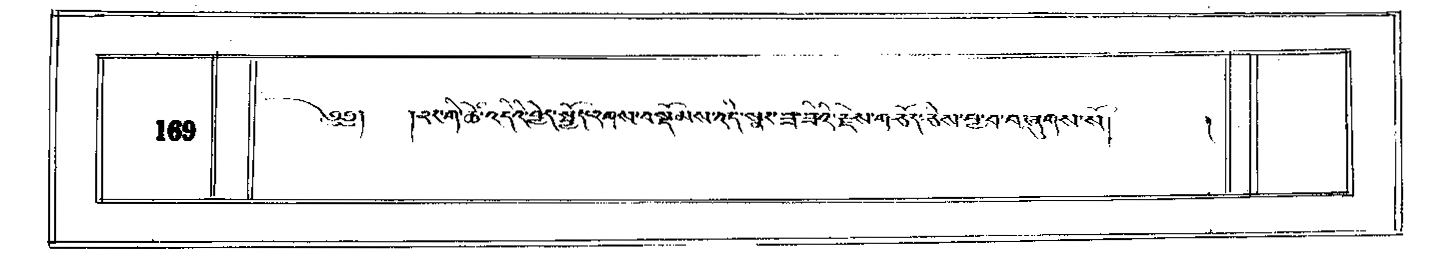༄༅། །རང་གི་ཚེ་འདིའི་བྱེད་སྤྱོད་རགས་བསྡོམས་འདི་སྣང་ཟ་ཟིའི་རྗེས་གཅོད་ཅེས་བྱ་བ་བཞུགས་སོ། །